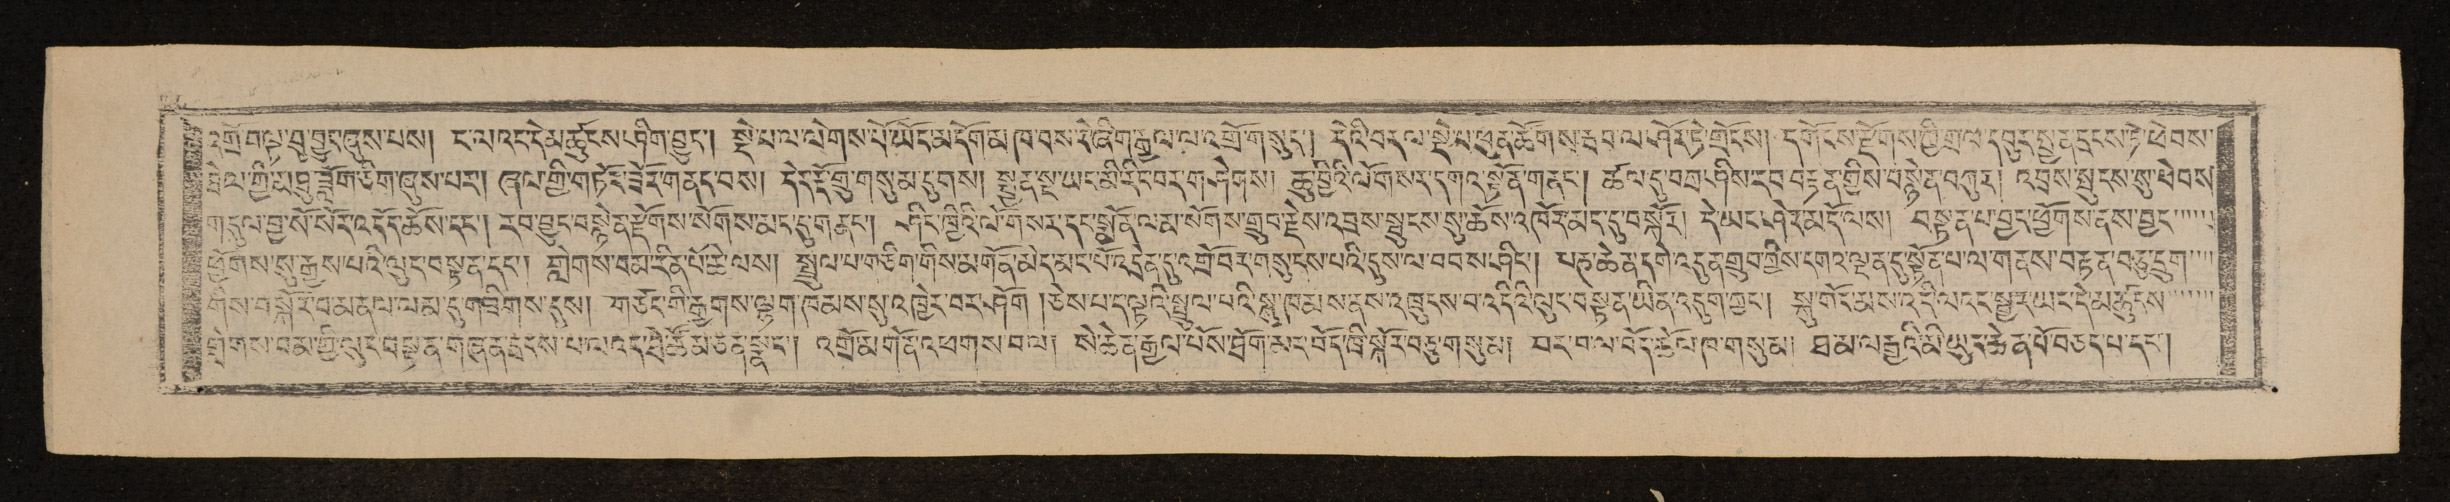འགྲོ་བ་ལྟ་བུ་བྱུང་ཞུས་པས། ང་ལའང་དེ་མཚུངས་ཤིག་བྱུང་། སྡེ་བ་ལ་ལེགས་པོ་ཡོང་མདོག་མ་ཁ་བས་རེ་ཞིག་རྒྱལ་ལ་འགྲོ་གསུང་། དེའི་བར་ལ་སྡེ་པ་ཕུན་ཚོགས་རྦབ་ལ་ཤོར་ཏེ་གྲོངས། དགོངས་རྫོགས་ཀྱི་གྲལ་དབུར་སྤྱན་དྲངས་ཏེ་ཕེབས།
ཐེལ་གྱི་མཐུ་ཟློག་ཅིག་ཞུས་པར། ཞལ་གྱི་གཏོར་ཟོར་གནང་བས། དེར་རྡོ་གྲུ་གསུམ་དུ་གས། སྤྱན་སྔ་ཡང་མི་རིང་བར་གཤེགས། ཆུ་བྱིའི་ལོ་གསར་དགའ་སྟོན་གནང་། ཚལ་དུ་བཀྲ་ཤིས་རབ་བརྟན་གྱིས་བསྙེན་བཀུར། འབྲས་སྤུངས་སུ་ཕེབས།
གདུལ་བྱ་སོ་སོར་འདོད་ཆོས་དང་། རབ་བྱུང་བསྙེན་རྫོགས་སོགས་མང་དུ་གནང་། ཤིང་ཁྱིའི་ལོ་གསར་དང་སྨོན་ལམ་སོགས་གྲུབ་རྗེས་འབྲས་སྤུངས་སུ་ཆོས་འཁོར་མང་དུ་བསྐོར། དེ་ཡང་ཤེང་མདོ་ལས། བསྟན་པ་བྱང་ཕྱོགས་ནས་བྱང་
ཕྱོགས་སུ་རྒྱས་པའི་ལུང་བསྟན་དང་། གླེགས་བམ་རིན་པོ་ཆེ་ལས། སྤྲུལ་པ་གཅིག་གིས་མགོན་མེད་མང་པོ་འདྲེན་དུ་འགྲོ་བར་གསུངས་པའི་དུས་ལ་བབས་ཤིང་། པཎ་ཆེན་དགེ་འདུན་གྲུབ་ཀྱིས་དགའ་ལྡན་དུ་སྟོན་པ་ལ་གནས་བརྟན་བཅུ་དྲུག་
གིས་བསྐོར་བ་མནལ་ལམ་དུ་གཟིགས་དུས། གཙང་གི་རྒྱགས་ལྷག་ཁམས་སུ་འཁྱེར་བར་ཤོག །ཅེས་པ་ད་ལྟའི་སྤྲུལ་པའི་སྐུ་ཁམས་ནས་འཁྲུངས་པ་འདིའི་ལུང་བསྟན་ཡིན་འདུག་ཀྱང་། སྐུ་གོང་མས་འདི་ལའང་སྦྱར་ཡང་དེ་མཚུངས་
གླེགས་བམ་གྱི་ལུང་བསྟན་གཞན་དྲངས་པ་ལའང་ཐེ་ཚོམ་ཅན་སྣང་། འགྲོ་མགོན་འཕགས་པ་ལ། སེ་ཆེན་རྒྱལ་པོས་ཐོག་མར་བོད་ཁྲི་སྐོར་བཅུ་གསུམ། བར་བ་ལ་བོད་ཆོལ་ཁ་གསུམ། ཐ་མ་ལ་རྒྱའི་མི་ཡུར་ཆེན་པོ་བཅད་པ་དང་།